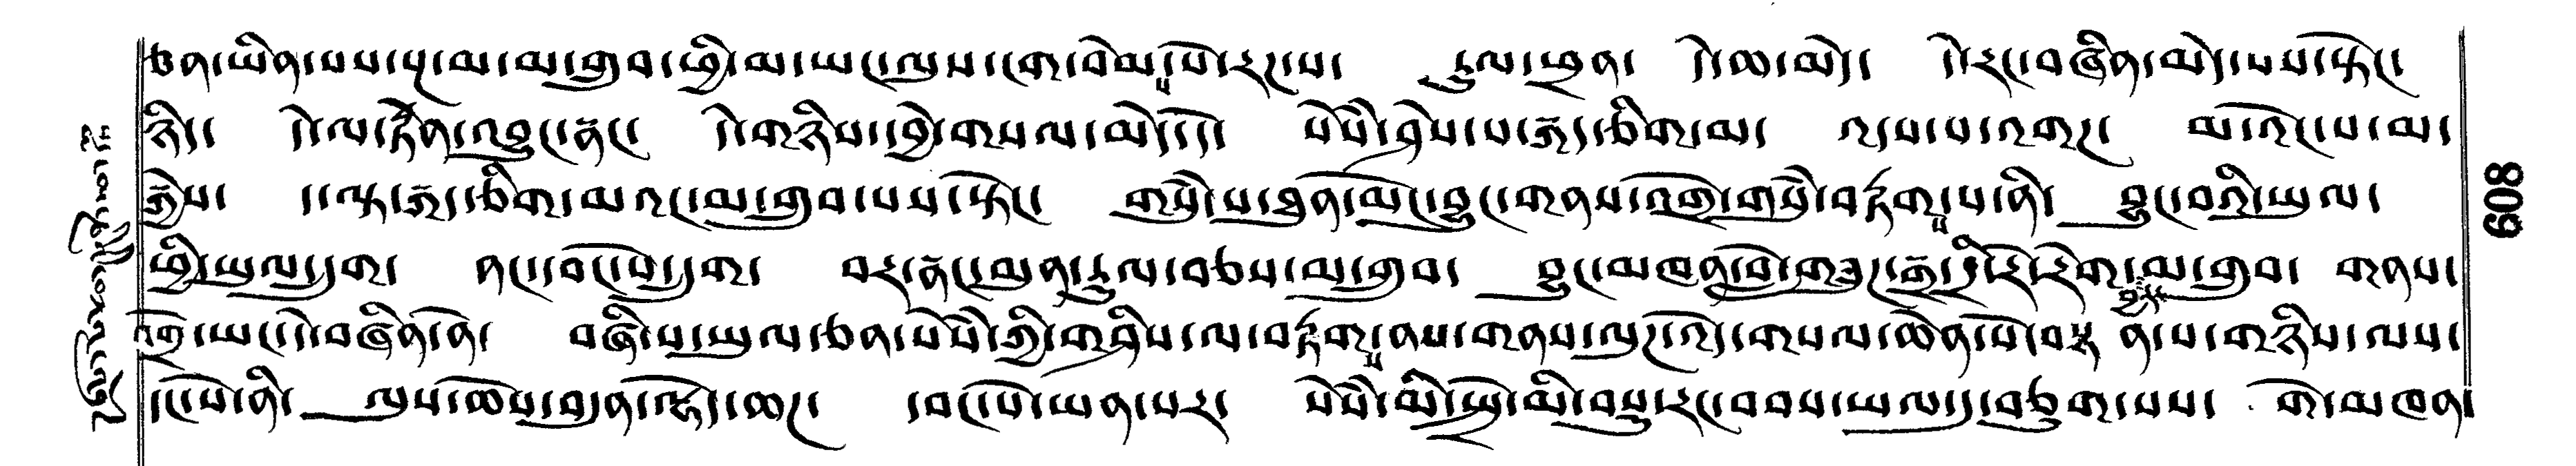ཅན་ཡིན་པས་སྔ་མ་མ་གྲུབ། ཕྱི་མ་ཡང་ལུས་ངག་བེམས་པོ་རགས་པ། རྡུལ་ཕྲན། དེ་ཆ་མེད། དེ་རང་བཞིན་མེད་པས་སྟོང་
ཉིད། དེ་ལ་རྟེན་འབྱུང་སྣང་། དེ་གཉིས་དབྱེ་གསལ་མེད་དོ། སེམས་ཤེས་པ་སྐད་ཅིག་མ། འདས་པ་འགགས། མ་འོངས་པ་མ་
སྐྱེས། ད་ལྟ་སྐད་ཅིག་མའང་མ་གྲུབ་པས་སྟོང་། གསུམ་པ་ཐུན་མོང་འབྱུང་གནས་འགྲོ་གསུམ་བརྟག་པ་ནི། བྱུང་བའི་ཡུལ་
ཕྱི་ཡུལ་དྲུག ནང་དབང་པོ་དྲུག བར་སྣང་མུན་རྡུལ་བཅས་མ་གྲུབ། བྱུང་མཁན་བློ་གཟུགས་སྒྲ་དྲི་རོ་རེག་བྱར་མ་གྲུབ། གནས་
འགྲོ་ཡང་དེ་བཞིན་ནོ། བཞི་པ་ཡུལ་ཅན་སེམས་ཀྱི་གཤིས་ལ་བརྟགས་ནས་གནས་ལུགས་འོད་གསལ་ཆེན་པོ་བསྟན་པ་གཉིས་ལས་
དང་པོ་ནི། ལུས་ཆོས་བདུན་ལྷོད་ཆགས། དབང་པོ་ཡན་པར། སེམས་མི་སྤྲོ་མི་བསྡུ་རང་བབས་ཡལ་དུ་བཅུག་པས། གོ་མཁན་